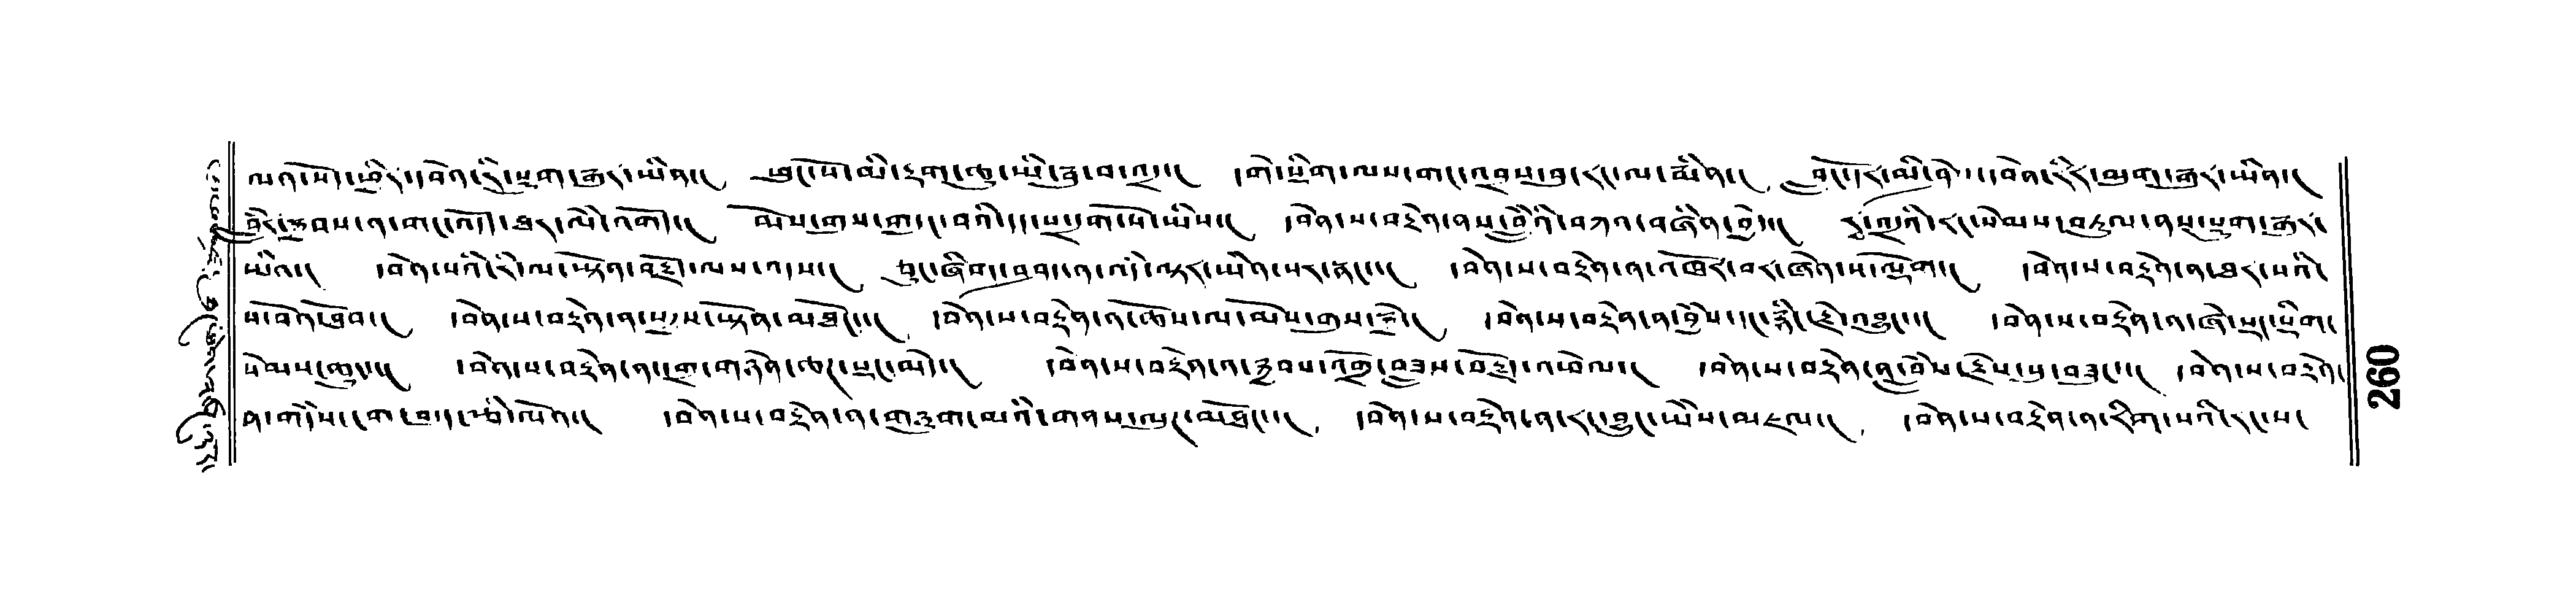ལན་བསབ་ཕྱིར་དབེན་རི་སྡུག་སྒུར་ཡིན། །ཕུང་པོ་མི་རྟག་ཆུ་ཡི་ལྦུ་བ་འདྲ། །དགེ་སྡིག་ལས་གང་འབྲས་བུ་རང་ལ་སྨིན། །བླང་དོར་མི་ཤེས་དབེན་རིར་མུག་སྒུར་ཡིན། །
བླ་མར་སྐྱབས་ན་གང་འདོད་ཐར་ལམ་འགོད། །མོས་གུས་གདུང་བའི་དད་པ་དྲག་པོ་ཡིས། །དབེན་པ་བརྟེན་ནས་བླ་མའི་བཀའ་བཞིན་བྱེད། །རྭ་འདྲའི་རང་སེམས་བཏུལ་ན་སྡུག་སྒུར་
ཡིན། །དབེན་པའི་རི་ལ་ཡོན་ཏན་བརྗོད་ལས་འདས། །ཅུང་ཞིག་བཤད་ན་འདི་ལྟར་ཡིན་པར་སྣང་། དབེན་པ་བརྟེན་ན་འཁོར་བར་ཞེན་པ་ལྡོག །དབེན་པ་བརྟེན་ན་ཐར་པའི་
ས་བོན་ཐོབ། །དབེན་པ་བརྟེན་ན་སངས་རྒྱས་ཡོན་ཏན་མཐོང་། །དབེན་པ་བརྟེན་ན་ཆོས་ལ་མོས་གུས་སྐྱེ། །དབེན་པ་བརྟེན་ན་བྱམས་དང་སྙིང་རྗེ་འབྱུང་། །དབེན་པ་བརྟེན་ན་ཞེ་སྡང་སྡིག་
སེམས་ཆུང་། །དབེན་པ་བརྟེན་ན་དགྲ་གཉེན་ཆགས་སྡང་མེད། །དབེན་པ་བརྟེན་ན་སྐྱབས་འགྲོ་བཟླས་བརྗོད་འཕེལ། །དབེན་པ་བརྟེན་ན་བླ་མས་རྗེས་སུ་བཟུང་། །དབེན་པ་བརྟེན་
ན་གདམས་ངག་བདུད་རྩི་ལོན། །དབེན་པ་བརྟེན་ན་གཉུག་མའི་གནས་ལུགས་མཐོང་། །དབེན་པ་བརྟེན་ན་རང་བྱུང་ཡེ་ཤེས་མཇལ། །དབེན་པ་བརྟེན་ན་རིག་པའི་རང་ས་